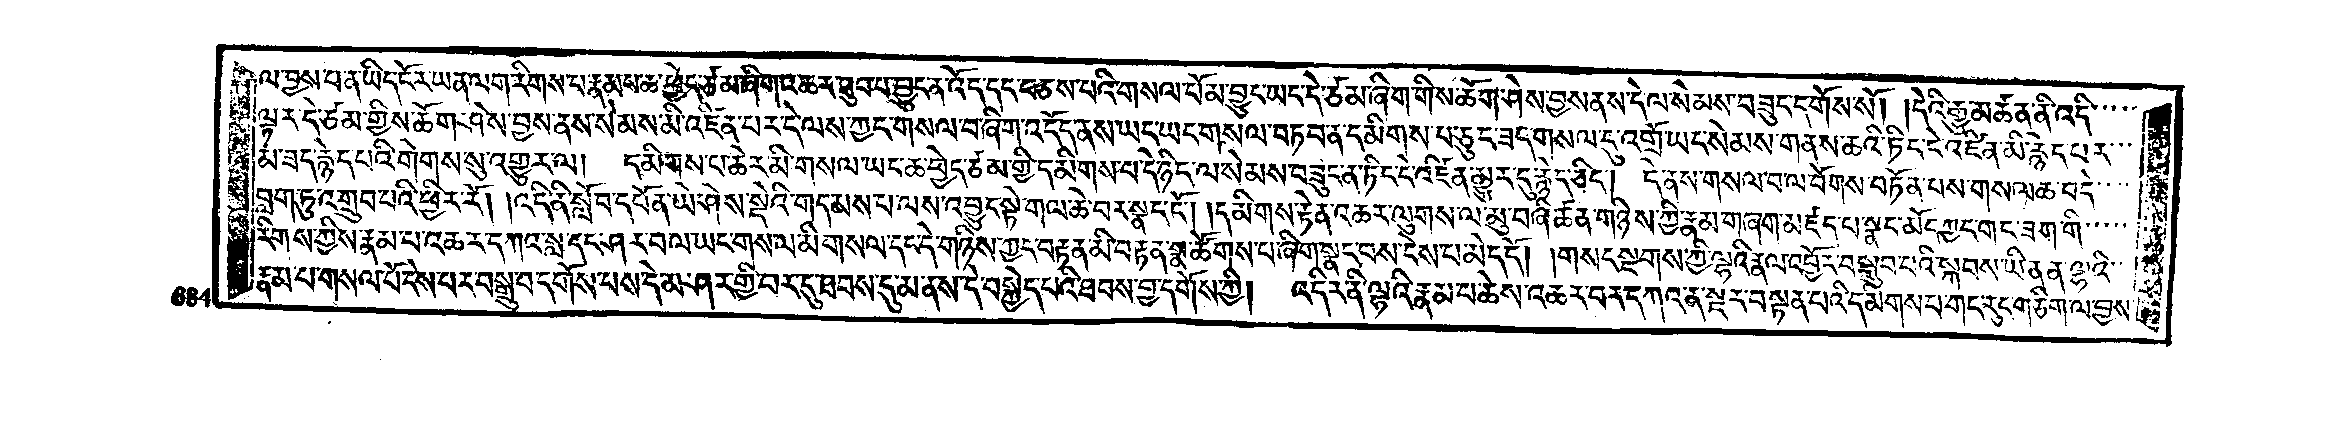ལ་བྱས་པ་ན་ཡིད་ངོར་ཡན་ལག་རགས་པ་རྣམས་ཆ་ཕྱེད་ཙམ་ཞིག་འཆར་ཐུབ་པ་བྱུང་ན་འོད་དང་བཅས་པའི་གསལ་པོ་མ་བྱུང་ཡང་དེ་ཙམ་ཞིག་གིས་ཆོག་ཤེས་བྱས་ནས་དེ་ལ་སེམས་བཟུང་དགོས་སོ། །དེའི་རྒྱུ་མཚན་ནི་འདི་
ལྟར་དེ་ཙམ་གྱིས་ཆོག་ཤེས་བྱས་ནས་སེམས་མི་འཛིན་པར་དེ་ལས་ཀྱང་གསལ་བ་ཞིག་འདོད་ནས་ཡང་ཡང་གསལ་བཏབ་ན་དམིགས་པ་ཅུང་ཟད་གསལ་དུ་འགྲོ་ཡང་སེམས་གནས་ཆའི་ཏིང་ངེ་འཛིན་མི་རྙེད་པར་
མ་ཟད་རྙེད་པའི་གེགས་སུ་འགྱུར་ལ། དམིགས་པ་ཆེར་མི་གསལ་ཡང་ཆ་ཕྱེད་ཙམ་གྱི་དམིགས་པ་དེ་ཉིད་ལ་སེམས་བཟུང་ན་ཏིང་ངེ་འཛིན་མྱུར་དུ་རྙེད་ཅིང་། དེ་ནས་གསལ་བ་ལ་པོགས་བཏོན་པས་གསལ་ཆ་བདེ་
བླག་ཏུ་འགྲུབ་པའི་ཕྱིར་རོ། །འདི་ནི་སློབ་དཔོན་ཡེ་ཤེས་སྡེའི་གདམས་པ་ལས་འབྱུང་སྟེ་གལ་ཆེ་བར་སྣང་ངོ། །དམིགས་རྟེན་འཆར་ལུགས་ལ་མུ་བཞི་ཚན་གཉིས་ཀྱི་རྣམ་གཞག་མཛད་པ་སྣང་མོད་ཀྱང་གང་ཟག་གི་
རིགས་ཀྱིས་རྣམ་པ་འཆར་དཀའ་སླ་དང་ཤར་བ་ལ་ཡང་གསལ་མི་གསལ་དང་དེ་གཉིས་ཀྱང་བརྟན་མི་བརྟན་སྣ་ཚོགས་པ་ཞིག་སྣང་བས་ངེས་པ་མེད་དོ། །གསང་སྔགས་ཀྱི་ལྷའི་རྣལ་འབྱོར་བསྒྲུབ་པའི་སྐབས་ཡིན་ན་ལྷའི་
རྣམ་པ་གསལ་པོ་ངེས་པར་བསྒྲུབ་དགོས་པས་དེ་མ་ཤར་གྱི་བར་དུ་ཐབས་དུ་མ་ནས་དེ་བསྐྱེད་པའི་ཐབས་བྱ་དགོས་ཀྱི། འདིར་ནི་ལྷའི་རྣམ་པ་ཆེས་འཆར་བར་དཀའ་ན་སྔར་བསྟན་པའི་དམིགས་པ་གང་རུང་གཅིག་ལ་བྱས་